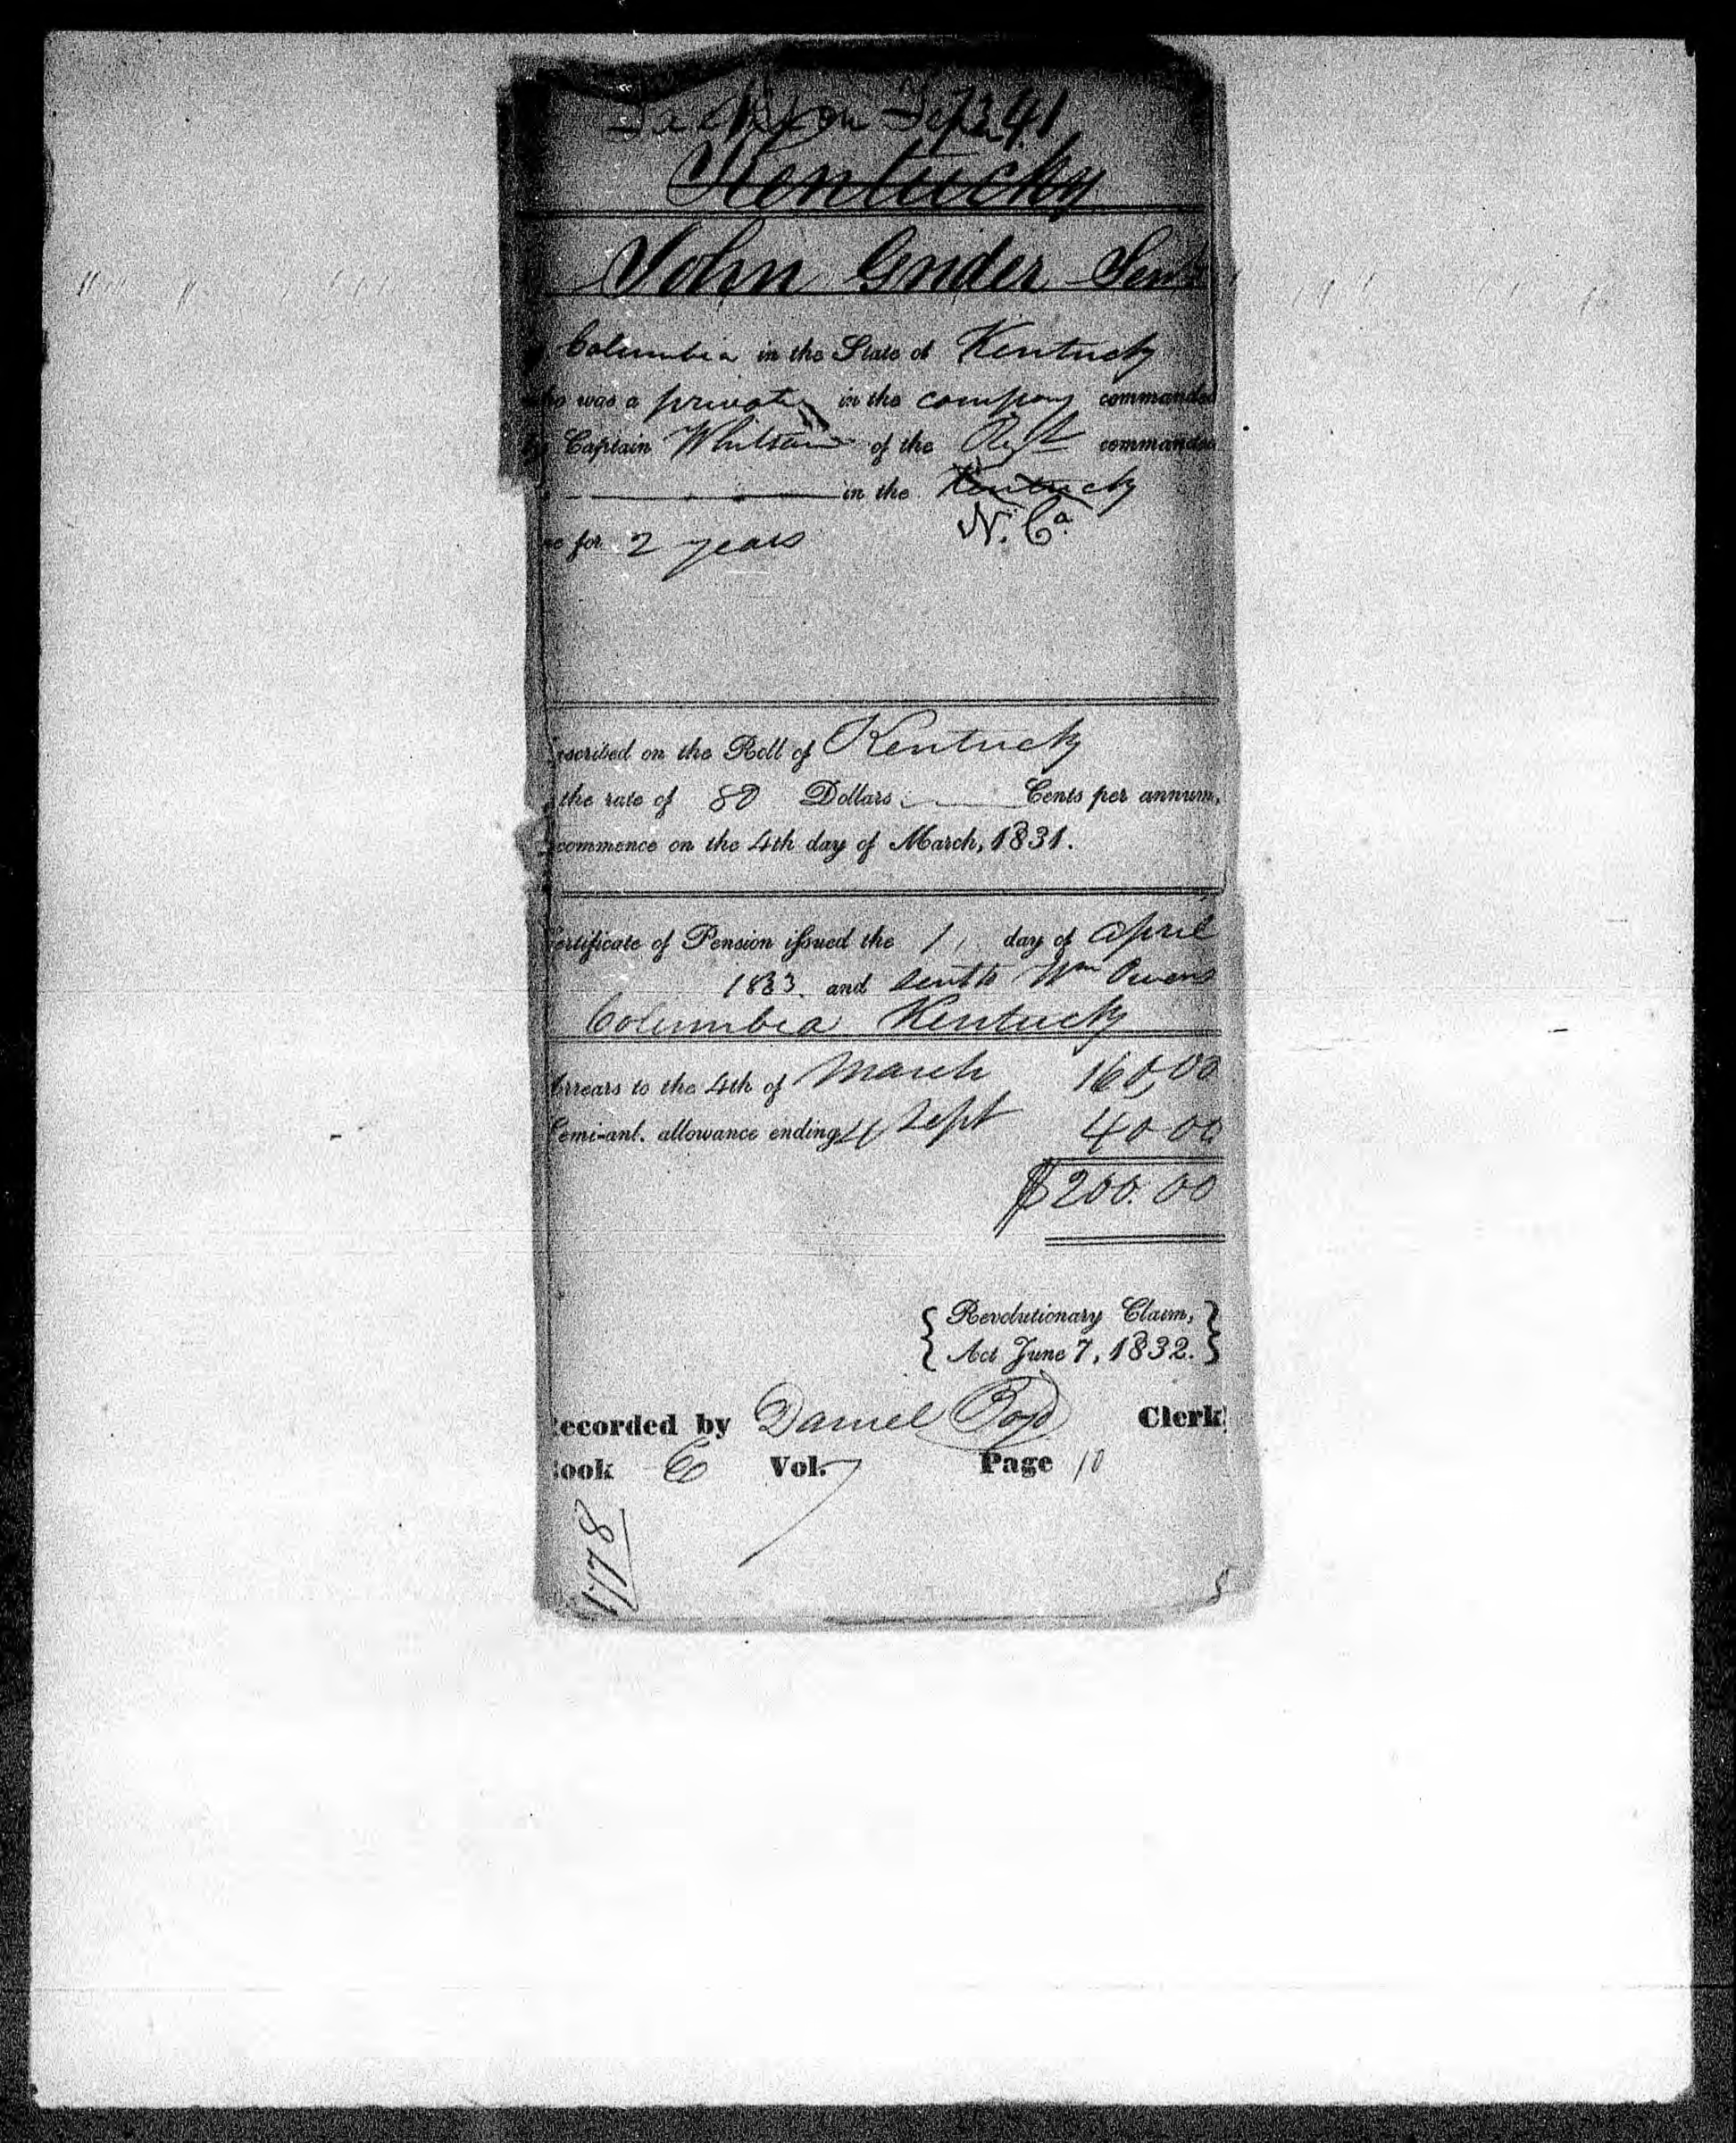Jackson  [illegible] 41
[crossed out- Kentucky]

John Grider Sen
Columbia in the State of Kentucky
who was a private in the company commanded
by Captain Whitson of the regt commanded
------- in the  [crossed out - Kentucky] N.C.
[illegible] for 2 years

Inscribed on the Roll of Kentucky
the rate of 80 Dollars ----- cents per annum,
commence on the 4th day of March , 1831

Certificate of Pension issued the 11 day of April
1833 and sent to Wm Owens
Columbia Kentucky

Arrears to the 4th of March                  160.00
Semi-anl. allowance ending 4 Sept       40.00
                                                                 $200.00

{Revolutionary Claim Act June 7, 1832}

Recorded by Daniel Boyd Clerk
Book E Vol 7 page 10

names: Wm Owens, John Grider, Daniel Boyd, Whitson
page: 2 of 91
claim: widow's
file: W 358, John Grider, N.C.